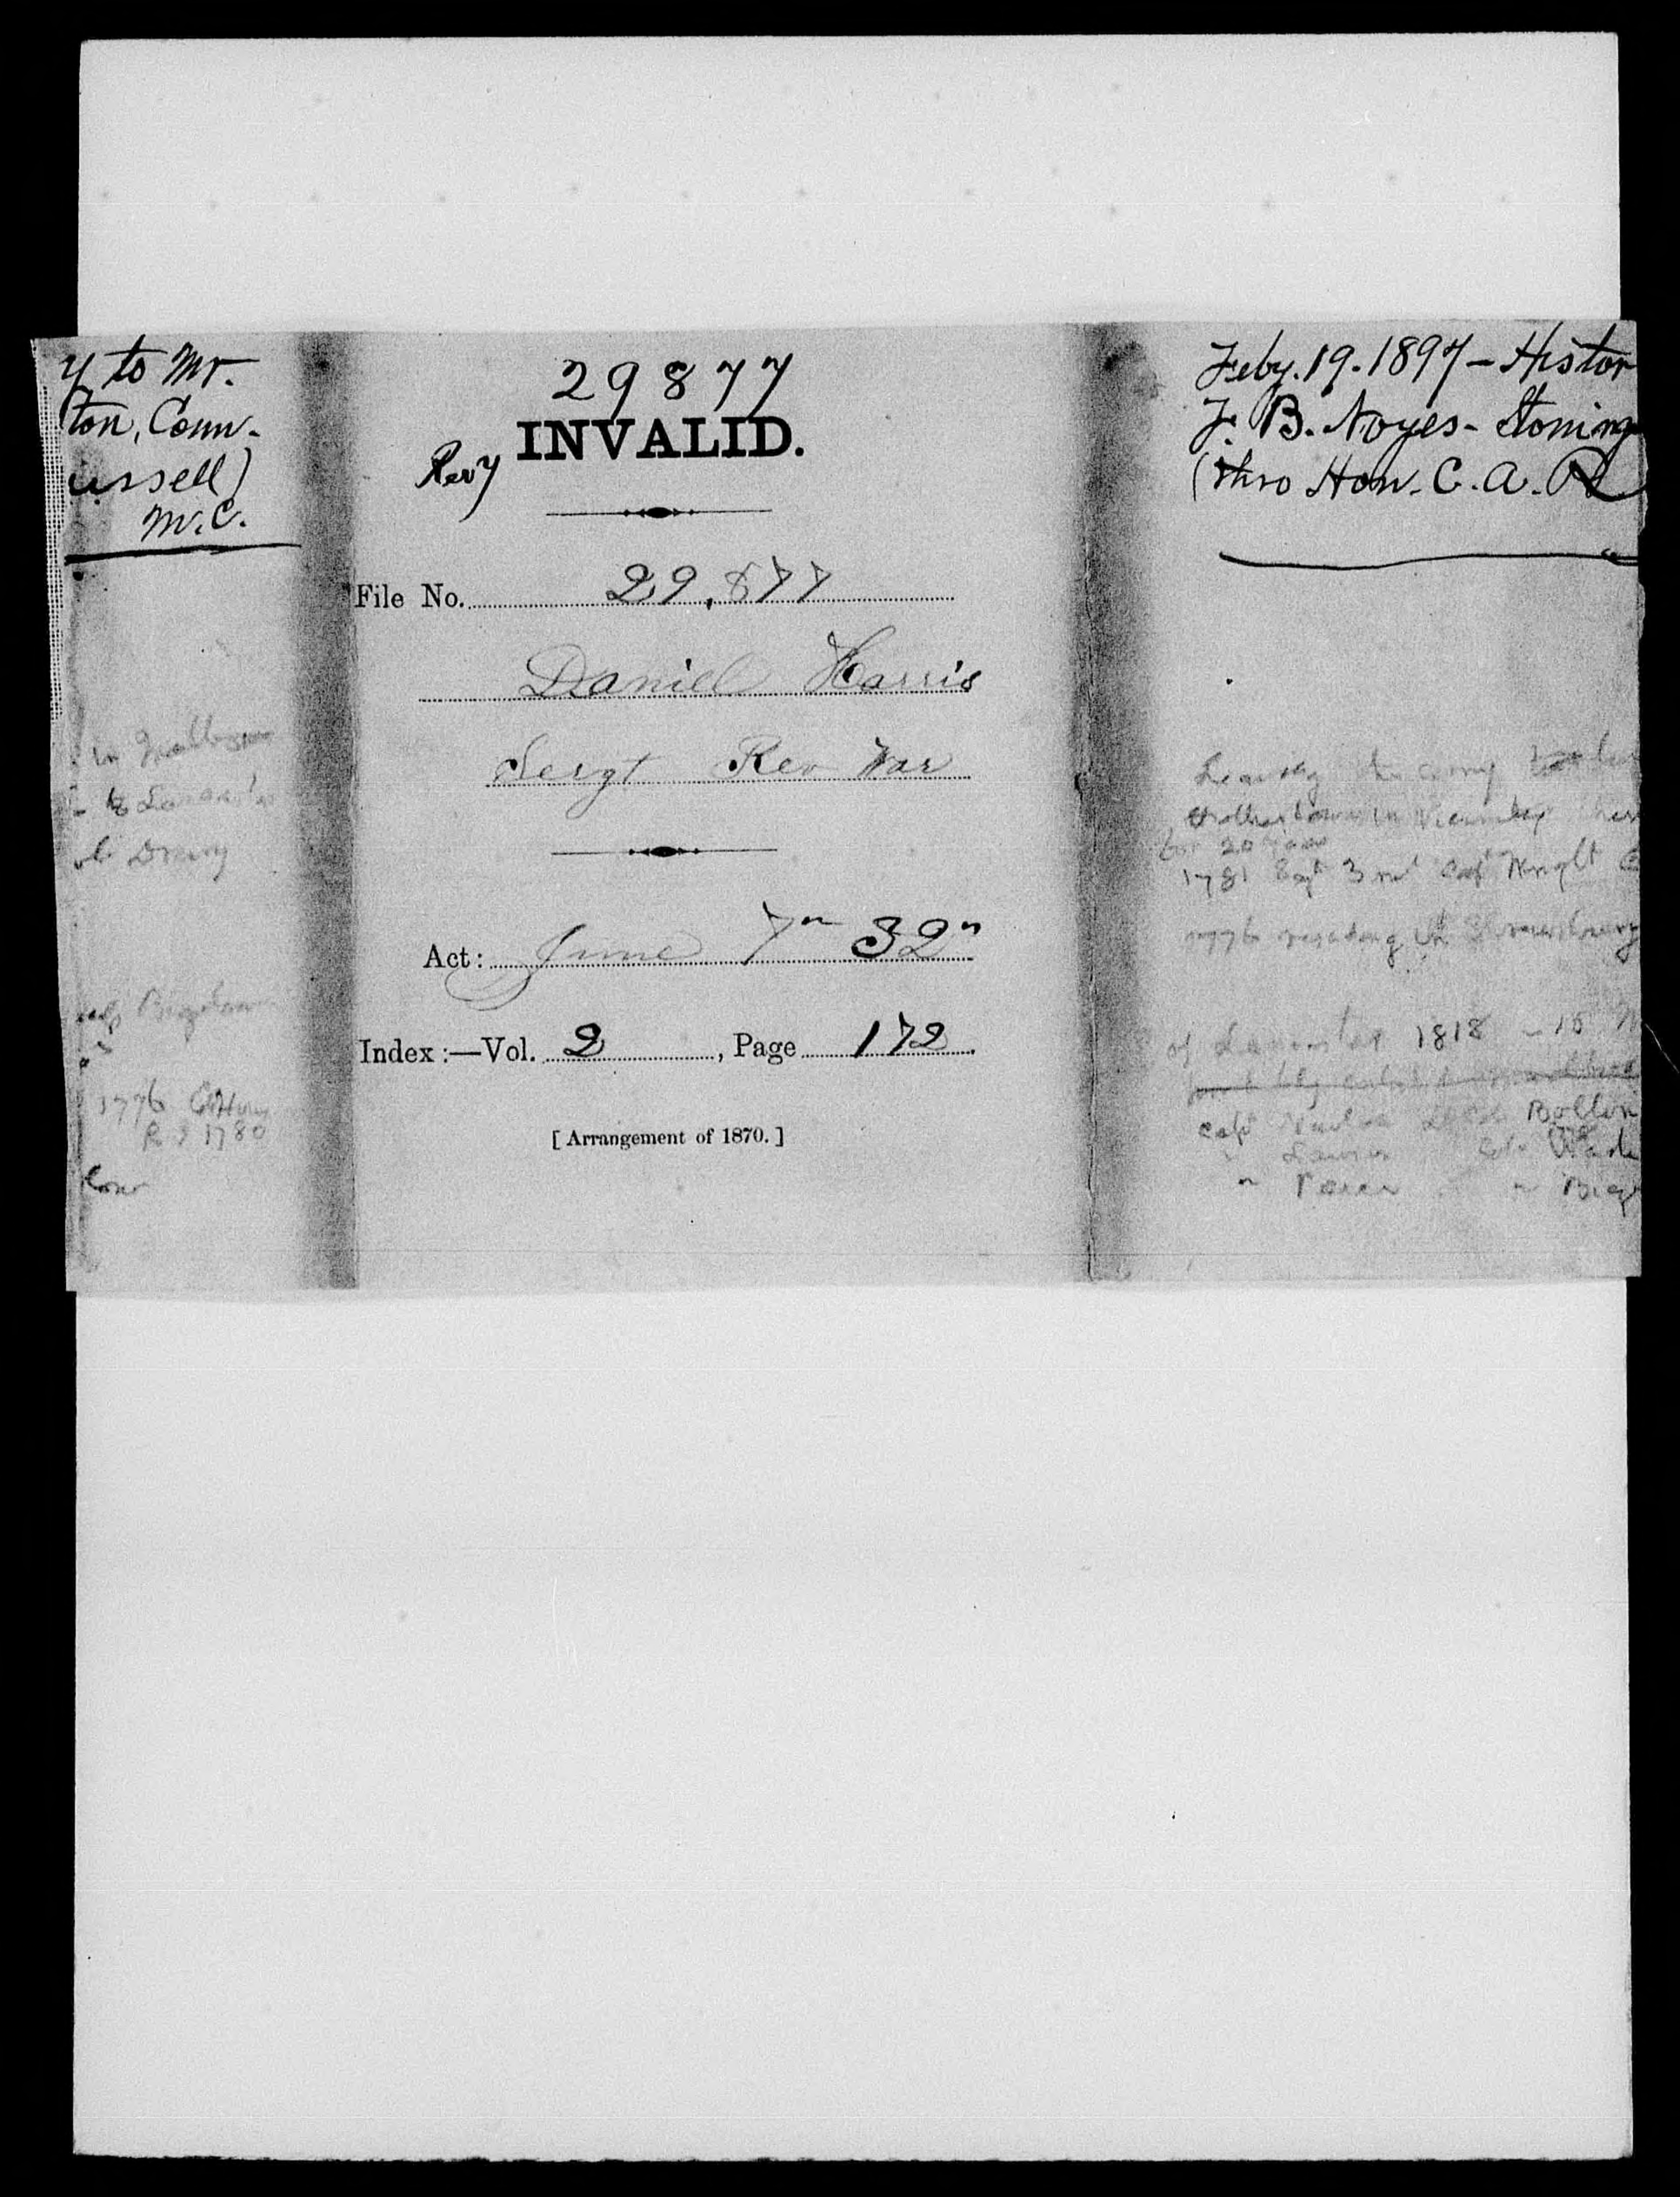[Center Column]
29877
INVALID.

File No. 29 877
Daniel Harris
Sergt Tev War

Act: June 7th 32
Index:  Vol. 2  Page 172

[Arrangement of 1879.]

[Left Colum]
Y to Mr. (?) Comm. 
Russell M.C.

[Right Column]
Febry 19 1894 - Histor
J.B. Noyes - Stoning
(Hon. C.A. R)

[Remaining text is too faint to transcribe]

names: Wright, Bolton, Bigelow, F B Noyes, Vorce, Shrewsbury, Daniel Harris, C A, Read, Blodget, Lawin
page: 13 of 68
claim: survivor's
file: S. 29,877, Daniel Harris, Mass.